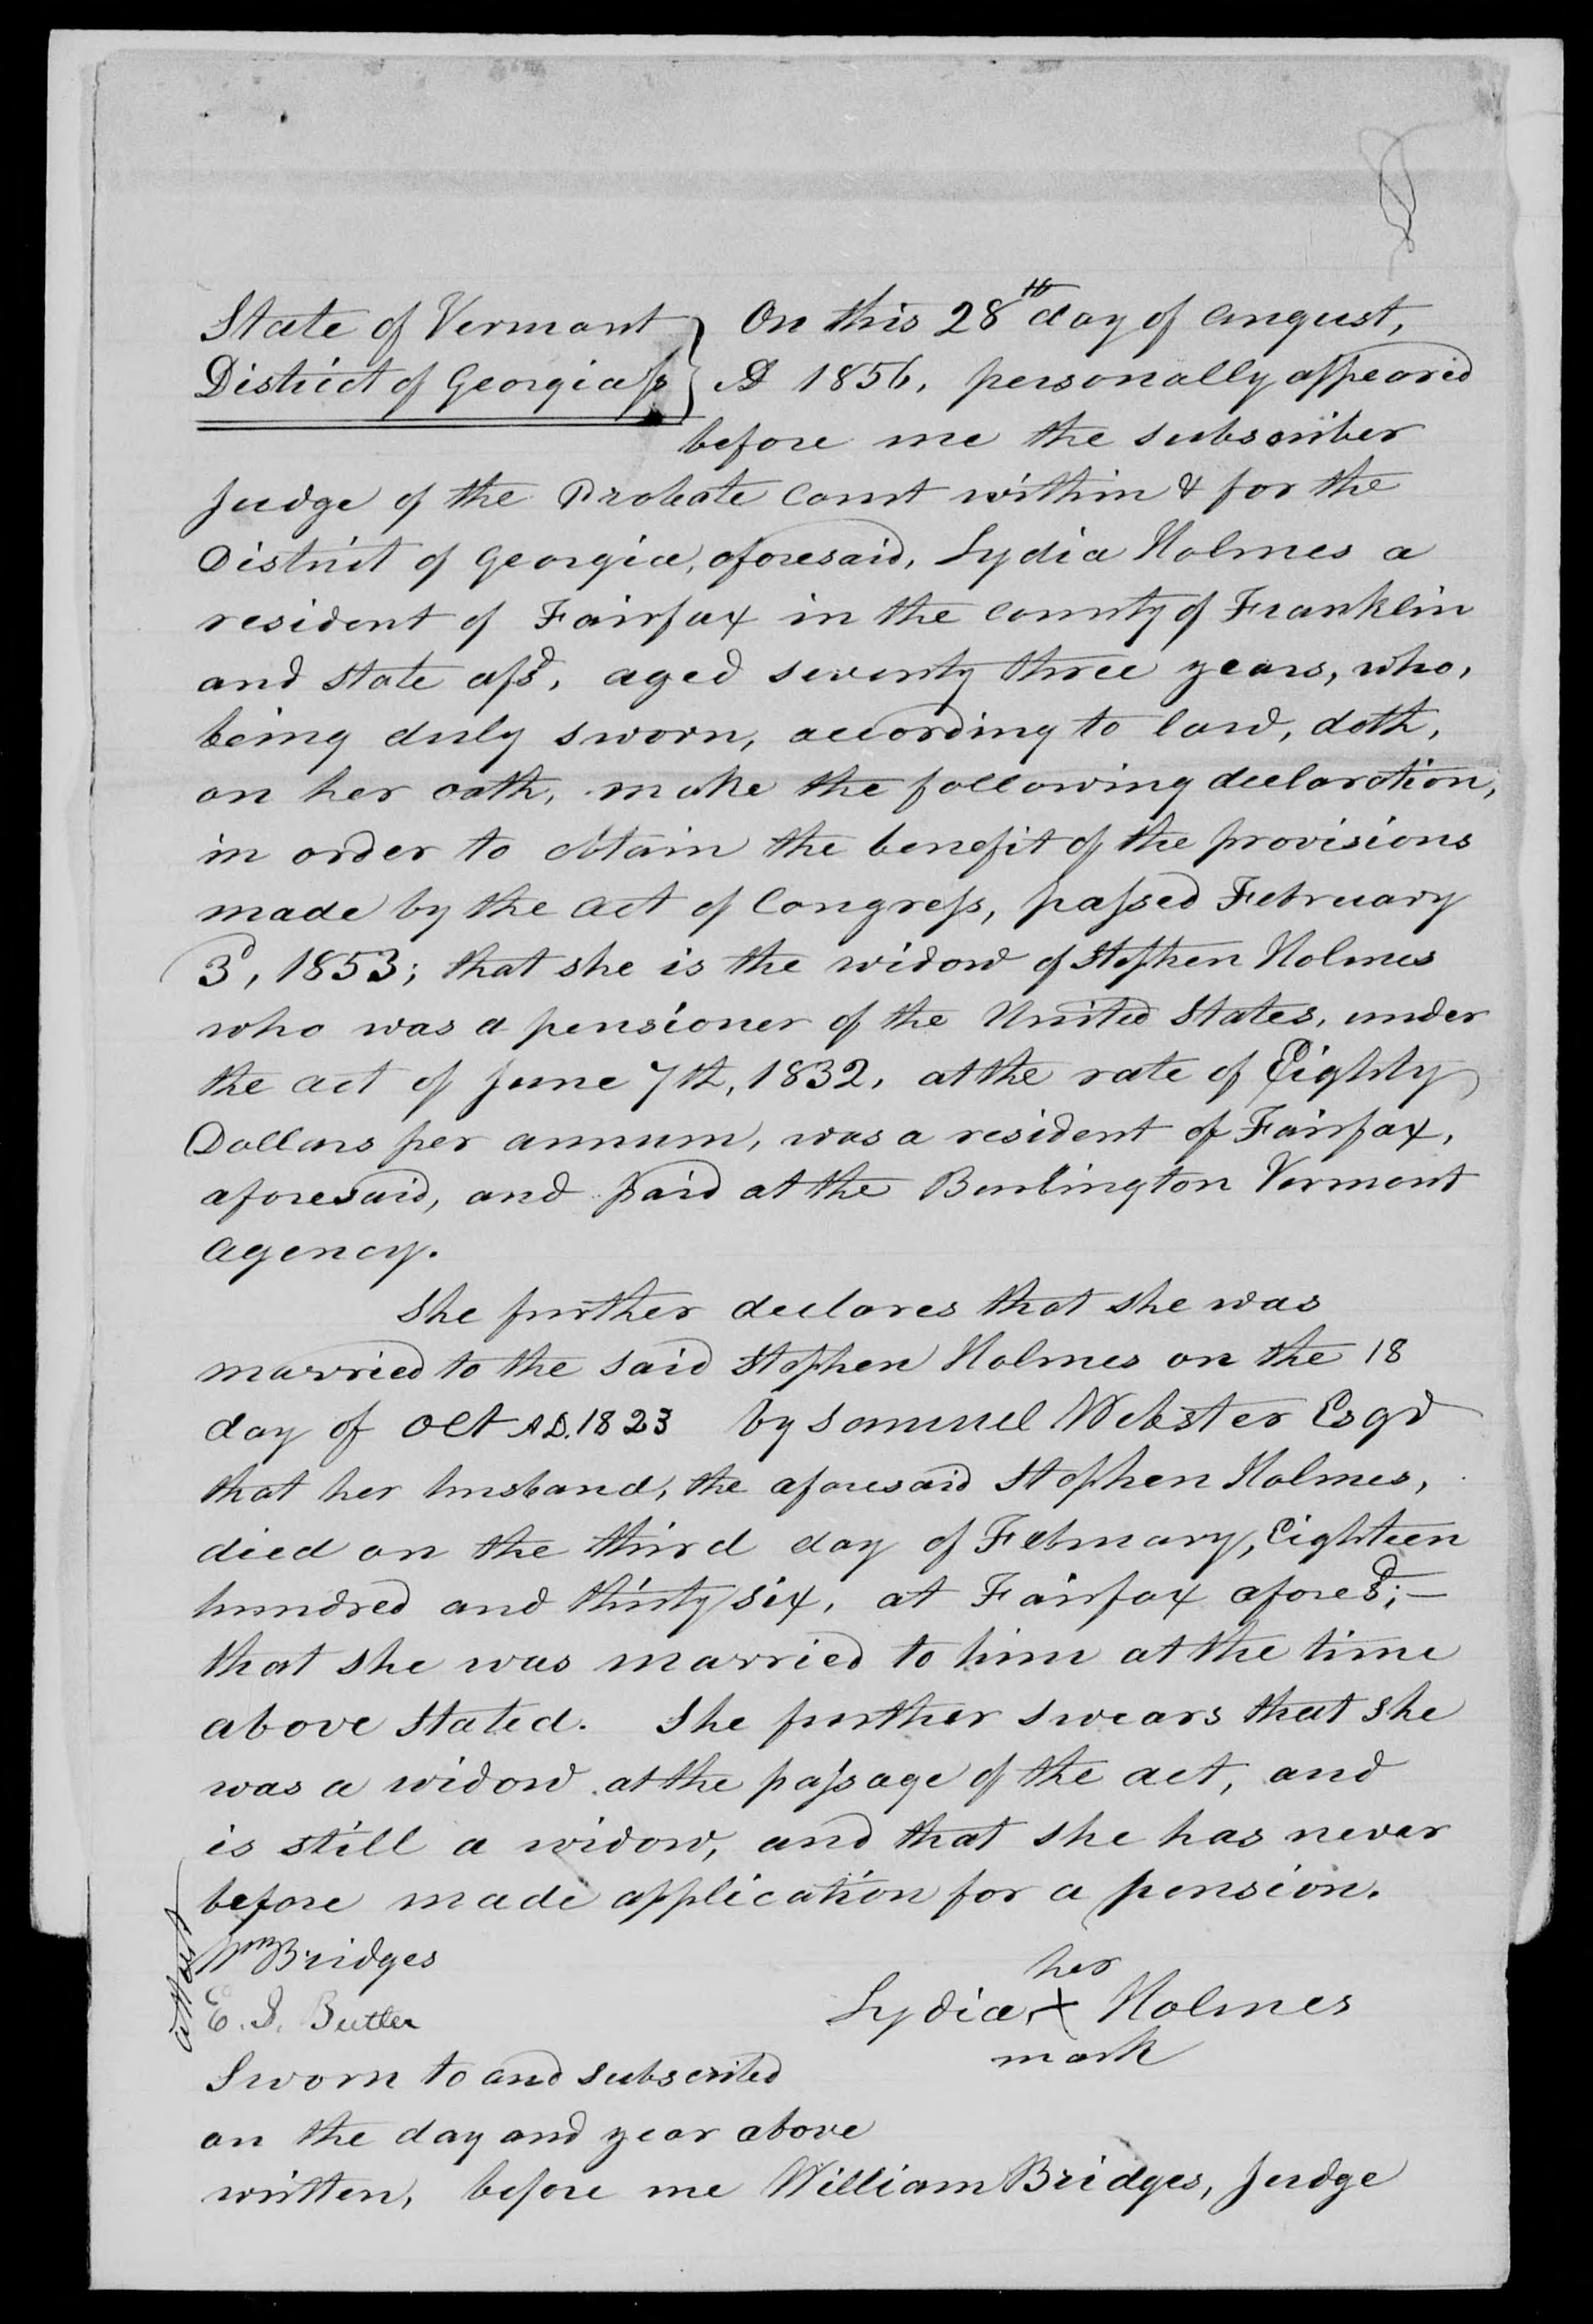State of Vermont
District of Georgia ss

On this 28th day of August, AD 1856, personally appeared before me the subscriber Judge of the Probate Court within & for the District of Georgia, aforesaid, Lydia Holmes a resident of Fairfax in the county of Franklin and State afsd, aged seventy three years, who, being duly sworn, according to law, doth, on her oath, make the following declaration, in order to obtain the benefit of the provisions made by the Act of Congress, passed February 3, 1853; that she is the widow of Stephen Holmes who was a pensioner of the United States, under the act of June 7th, 1832, at the rate of Eighty Dollars per annum, was a resident of Fairfax, aforesaid, and paid at the Burlington Vermont Agency.

She further declares that she was married to the said Stephen Holmes on the 18 day of Oct AD. 1823 by Samuel Webster [illegible] that her husband, the aforesaid Stephen Holmes, died on the third day of February, Eighteen hundred and thirty six, at Fairfax aforesd;- that she was married to him at the time above stated. She further swears that she was a widow at the passage of the act, and is still a widow, and that she has never before made application for a pension.

[illegible]
Wm Bridges
E. S. Butler

her mark [hand drawn X] Lydia Holmes

Sworn to and subscribed on the day and year above written, before me William Bridges, Judge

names: Stephen Holmes, William Bridges, Stephen Holmes, Stephen Holmes, Lydia Holmes, Wm Bridges, E S Butler, Lydia Holmes, Samuel Webster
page: 18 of 72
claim: widow's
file: W. 7771, Stephen Holmes, Vt.